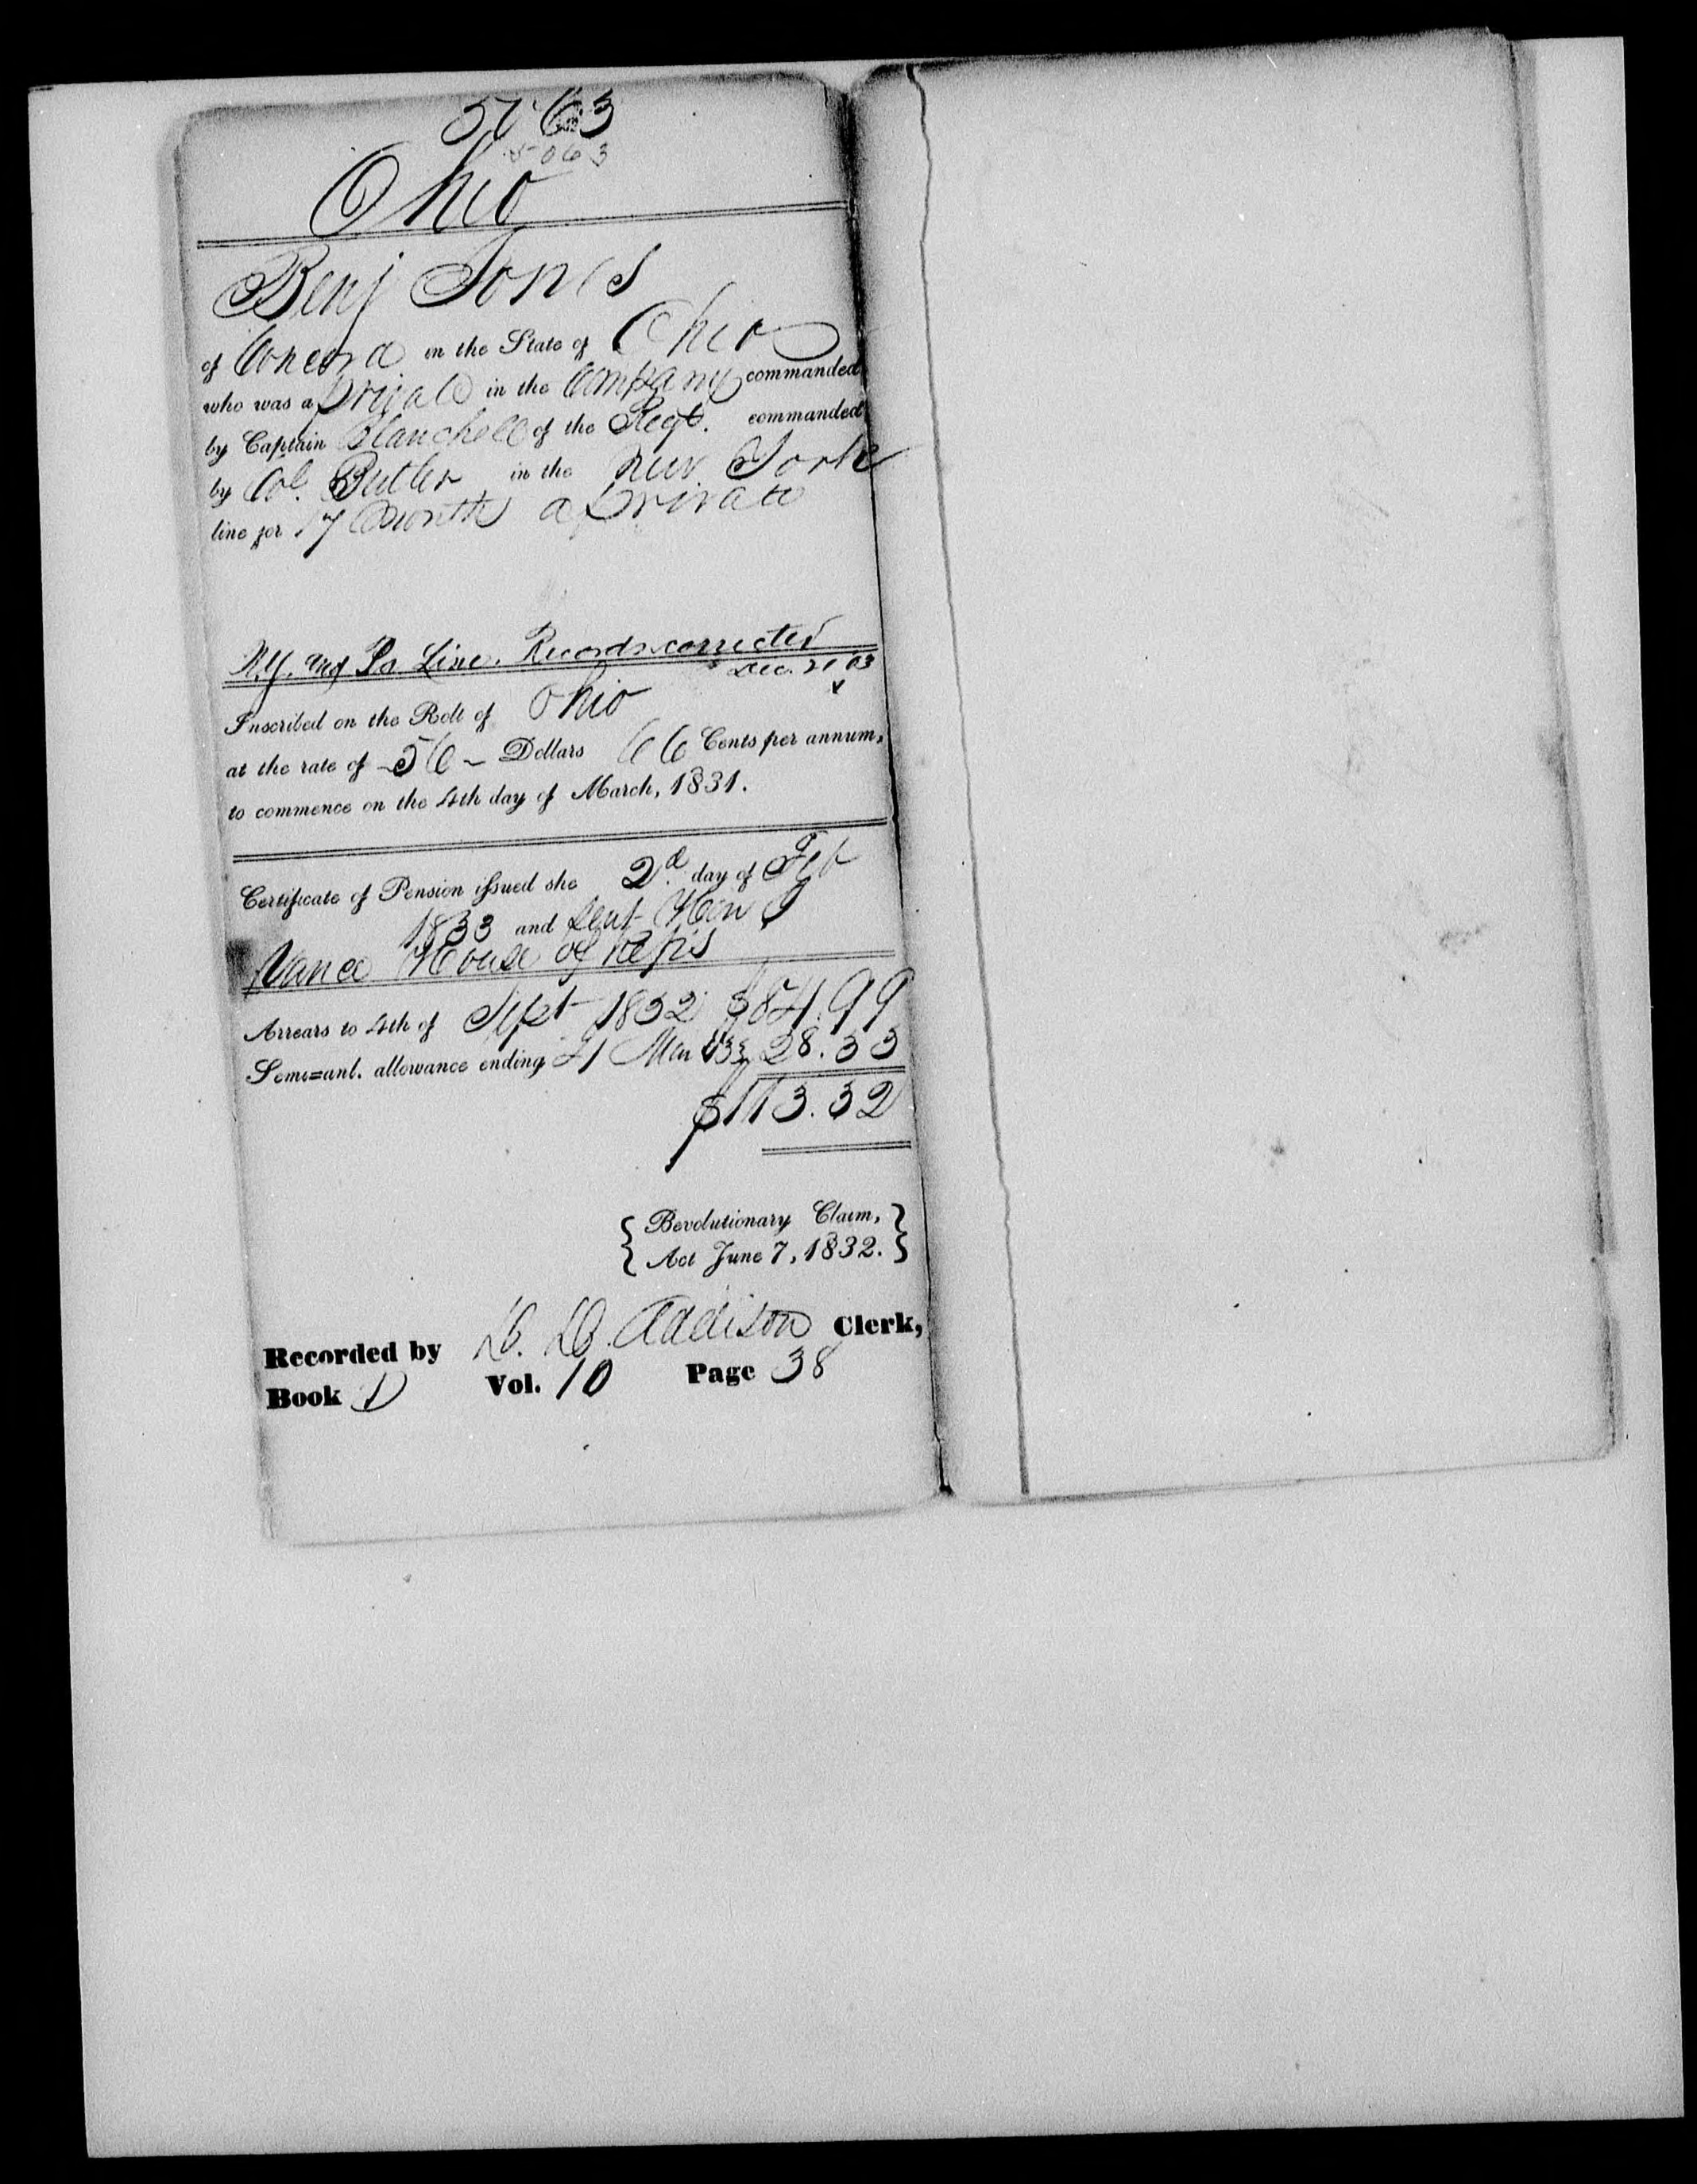3763
5063
Ohio
Benj Jones
of Concord in the State of Ohio
who was a private in the Company commanded by Captain Blanchell of the Regt.
commanded by Col Butler in the New York
line for 17 months as Private

N.Y. and Pa. Line. Records corrected

Inscribed on the Roll of Ohio Dec. 21, '03
at the rate of 56 Dollars 66 Cents per annum
to commence on the 4th day of March, 1831.
Certificate of Pension issued the 2d day of Feb.
1833 and sent Hon. I. Vance, House of Reps.
Arrears to 4th of Sept 1832 - $84.99
Semi-annl. Allowance ending 4 Mar. '33 - $28.33
[total] $113.32

{Revolutionary Claim,
Act June 7, 1832.}

Recorded by B. D. Addison Clerk
Book D., Vol. 10, Page 38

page: 2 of 10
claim: survivor's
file: S. 2295, for Benjamin Jones, New York